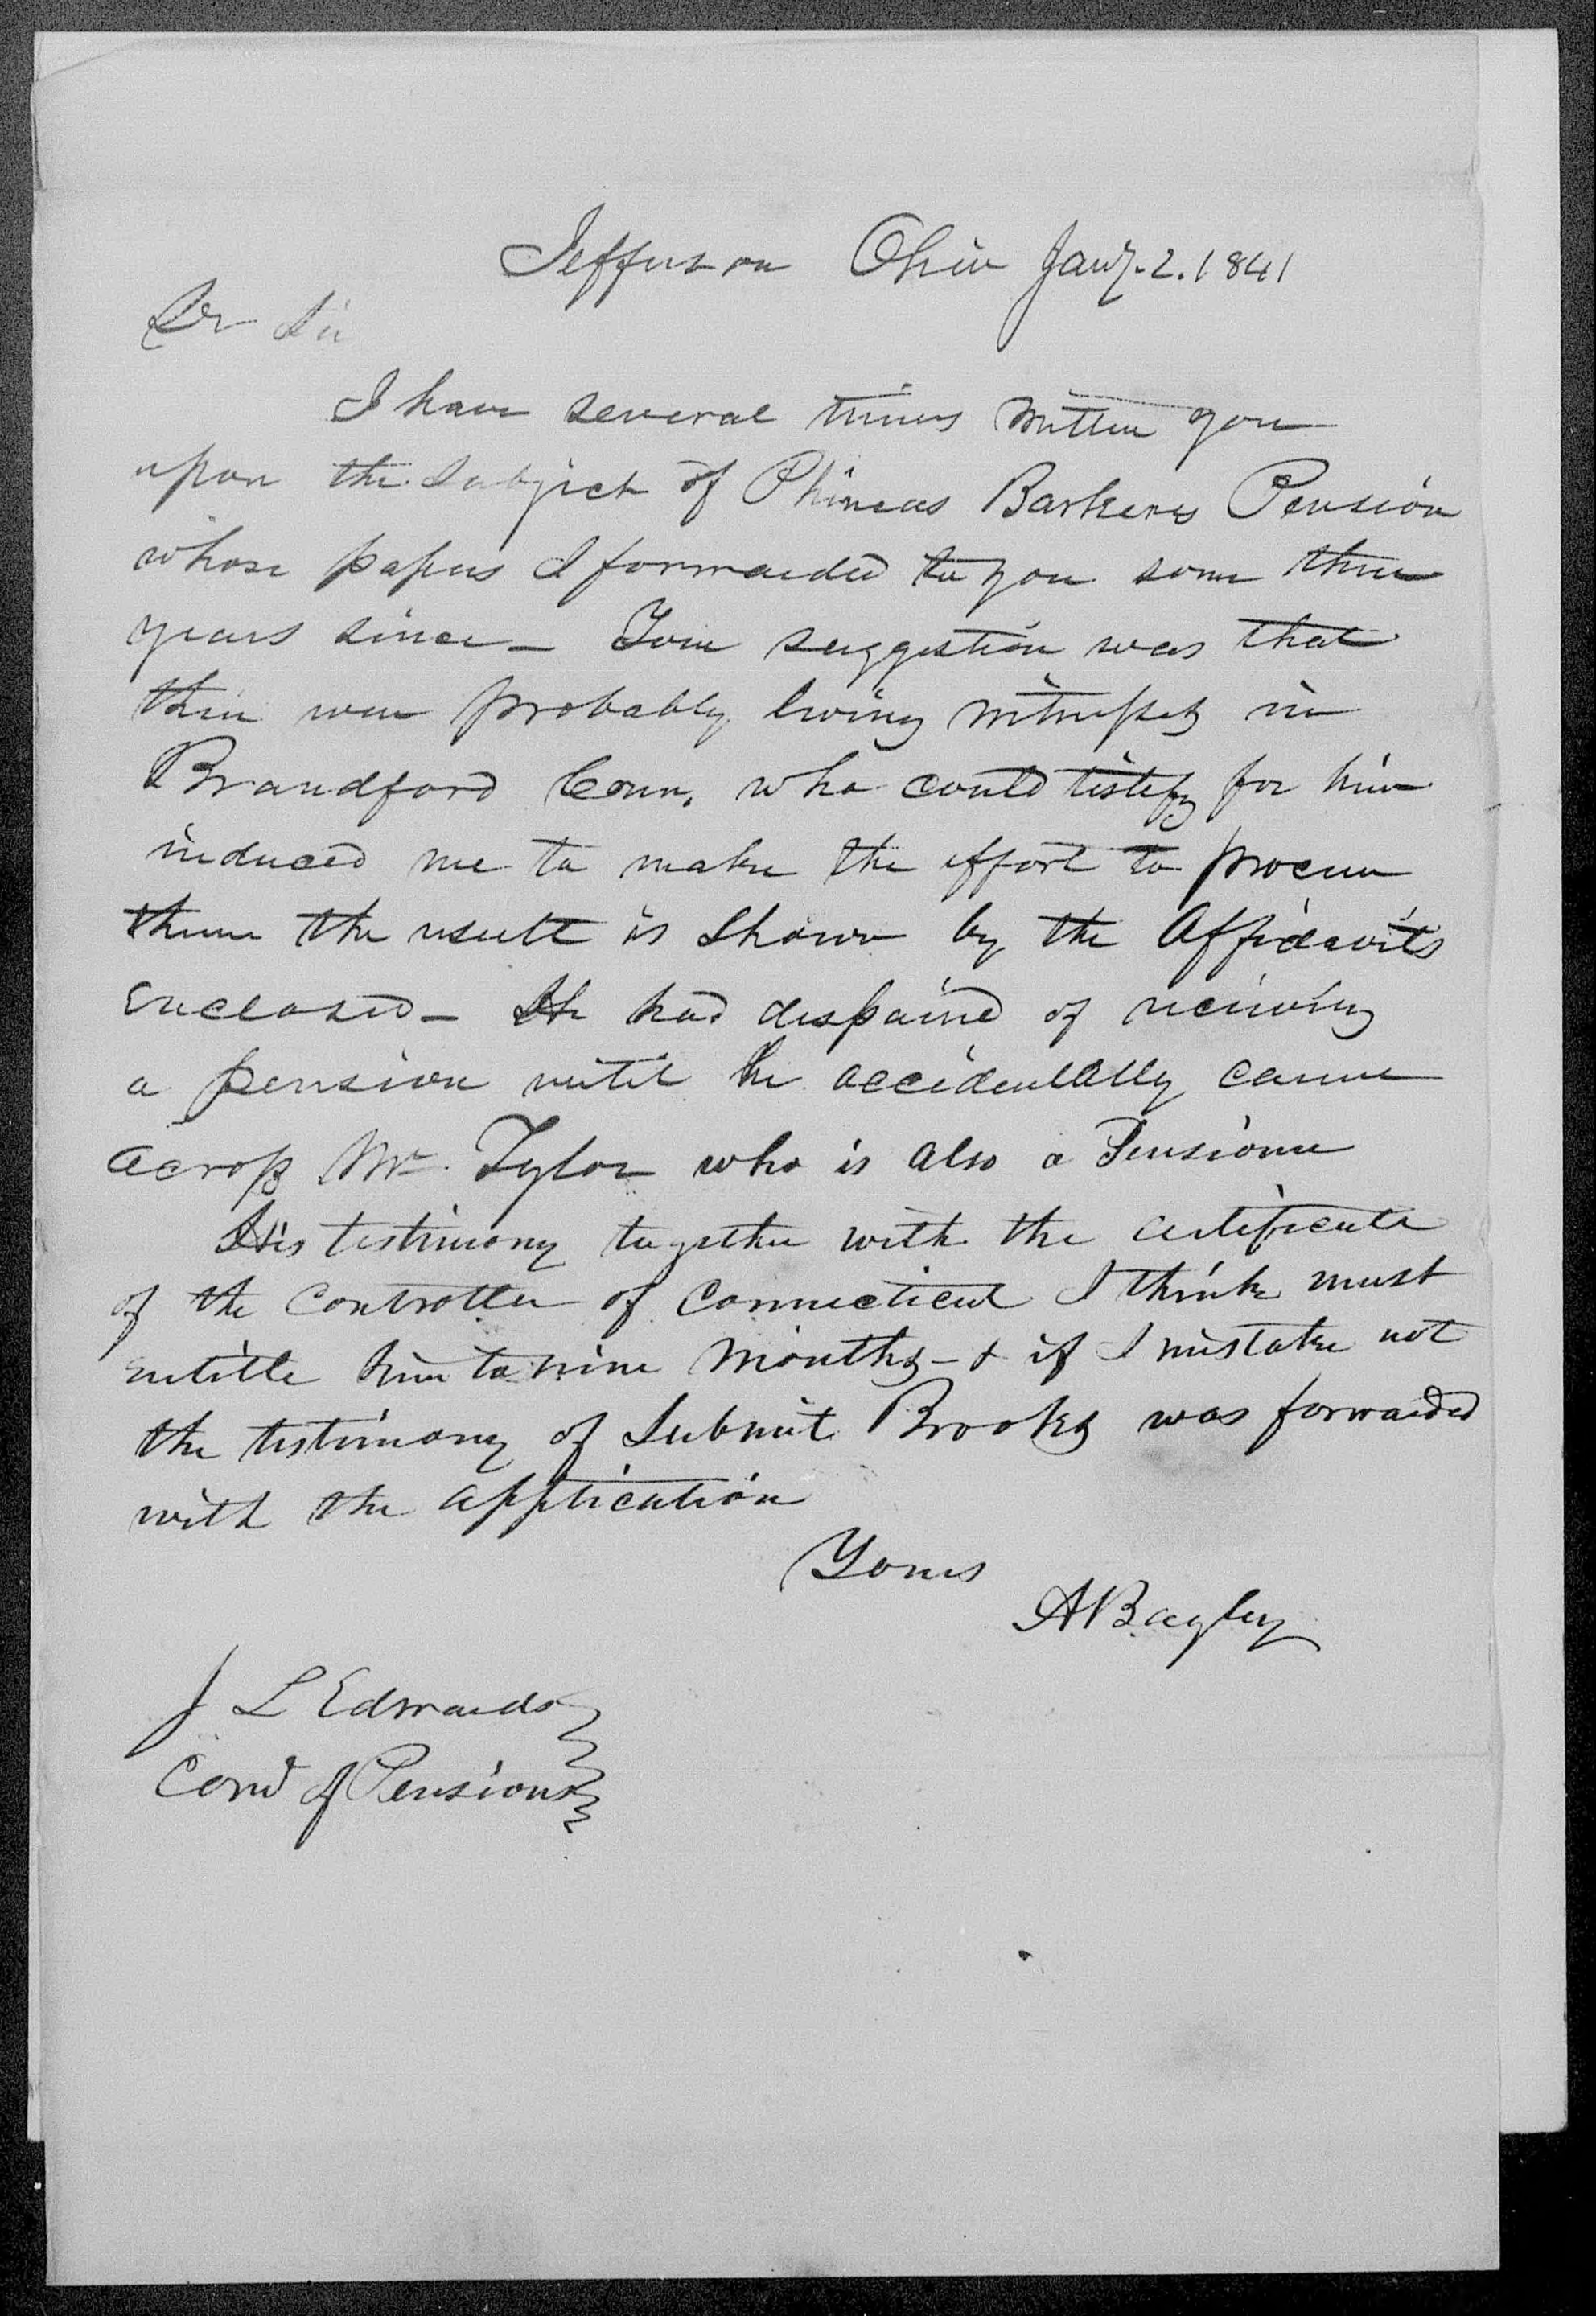Jefferson Ohio Jany. 1841 
Dear Sir
I have several times written you whose the subject of Phineas Barkers Pension whose papers I forwarded to you some three years since. You suggestion was that then were probably living witnesses in Brandford Conn who could testify for him induced me to make the effort to procure them, the result is shown by the affidavits enclosed. He had dispaired of receiving a pension until he accidentally came across Mr Tyler who is also a Pensioner.   
His testimony together with the certificate of the Comptroller of Connecticut I think must entitle him to nine months & if I mistake not the testimony of Submit Brooks was forwarded with the application.   
Yours A. Bagley
J L Edwards Comr of Pensions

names: J L Edwards, Tylor, A Bagley, Phineas Barker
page: 20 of 35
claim: rejected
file: R. 501, Phineas Barker, Conn. Privateer